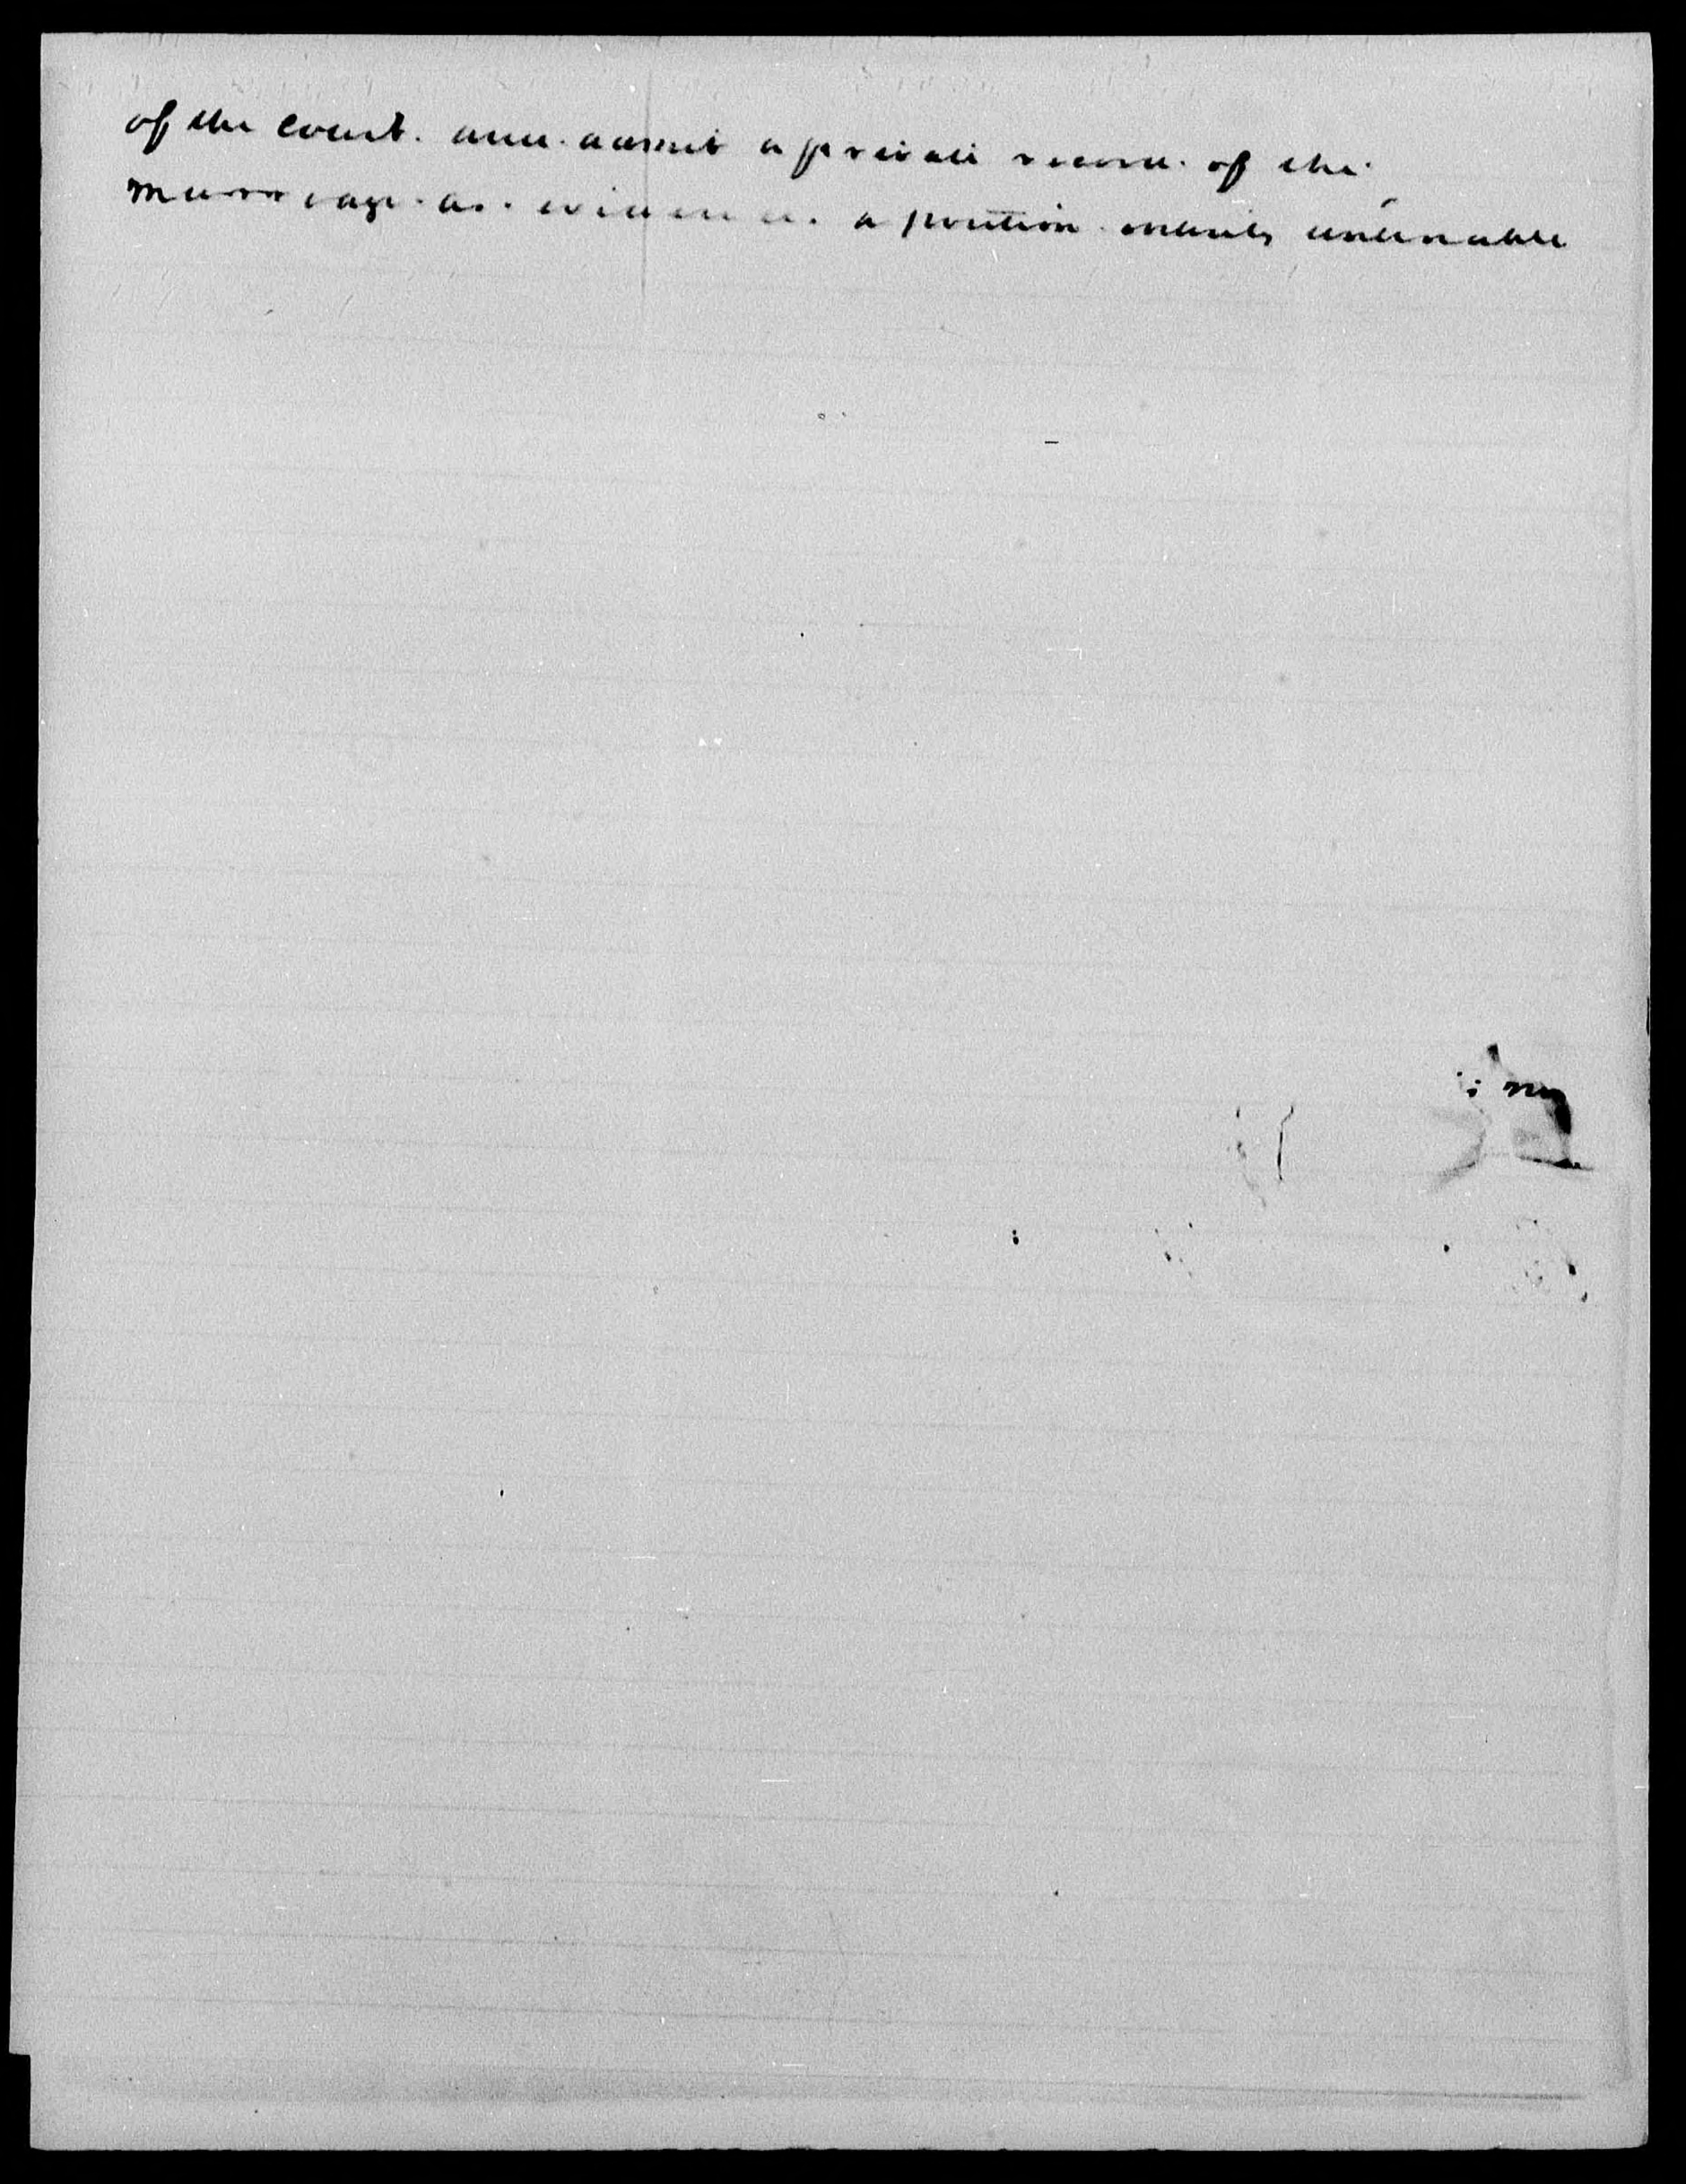of the Court and as a private record of the
marriage as evidence, a portion entirely [illegible]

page: 59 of 81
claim: widow's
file: W. 7262, Robert Ferguson, Va.